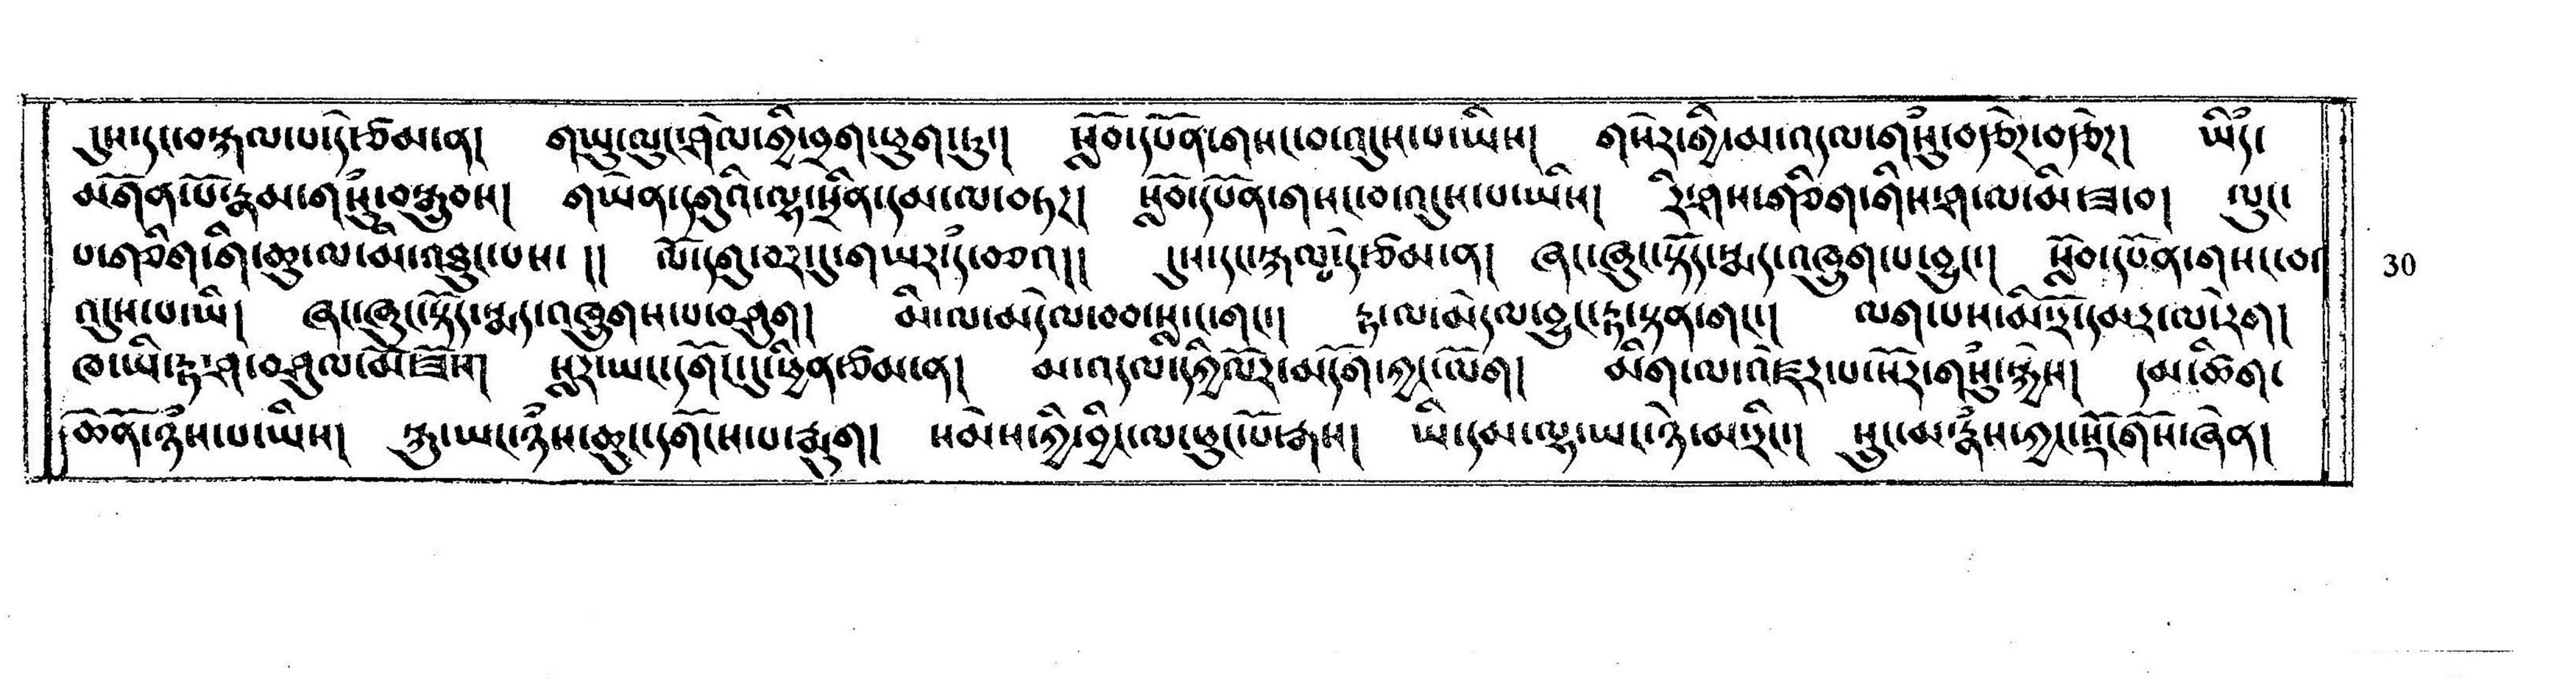དུས་དང་བསྐལ་པ་དེ་ཙམ་ན། གཡུ་ལུང་ཤེལ་གྱི་བྲག་ཕུག་ཏུ། སློབ་དཔོན་གསང་བ་འདུས་པ་ཡིས། གསེར་གྱི་མ་འདལ་གསུམ་བརྩེགས་བརྩེགས། ཡི་དམ་
མགོན་པོ་རྣམ་གསུམ་བསྒྲུབས། གཡེན་དགུའི་ལྷ་སྲིན་དམ་ལ་བཏགས། སློབ་དཔོན་གསང་བ་འདུས་པ་ཡིས། རི་ཤས་གཅིག་གིས་ཤ་ལ་མི་ཟ་བ། ལུང་
པ་གཅིག་གི་ཆུ་ལ་མི་འཐུང་པས།། ལོ་དགུ་བར་དུ་གཡར་དམ་བཅའ།། དུས་དང་སྐལ་པ་དེ་ཙམ་ན། ཞང་ཞུང་སྟོད་སྨད་འཁྲུག་པ་བྱུང་། སློབ་དཔོན་གསང་བ་
འདུས་པ་ཡི། ཞང་ཞུང་སྟོད་སྨད་འཁྲུགས་པ་བཤུག མི་ལ་མདེལ་བབ་སླ་ང་གང་། རྟ་ལ་མདེལ་བྱུང་རྟ་སྟན་གང་། ལག་པས་མི་རོ་དམར་ལ་རེག 
ཁ་ཡི་རྟ་ཤ་བཤུལ་མོ་ཟོས། སླར་ཡང་དགོང་དུ་ཕྱིན་ཙམ་ན། མ་འདལ་དཀྱིལ་འཁོར་མདོག་ཀྱང་ལོག མིག་ལ་འཛེར་པ་སོར་གསུམ་སྐྱེས། དམ་ཚིག་
ཆེན་པོ་ཉམས་པ་ཡིས། སྐུ་ཡང་ཉམས་ཆུང་དགོངས་པ་རྨུག སེམས་ཀྱི་བྱིང་ལ་ཕུང་པོ་རྒས། ཡི་དམ་ལྷ་ཡང་ཉེ་མ་རིང་། སྲུང་མ་རྣམས་ཀྱང་སྡོང་གྲོགས་ཞན།